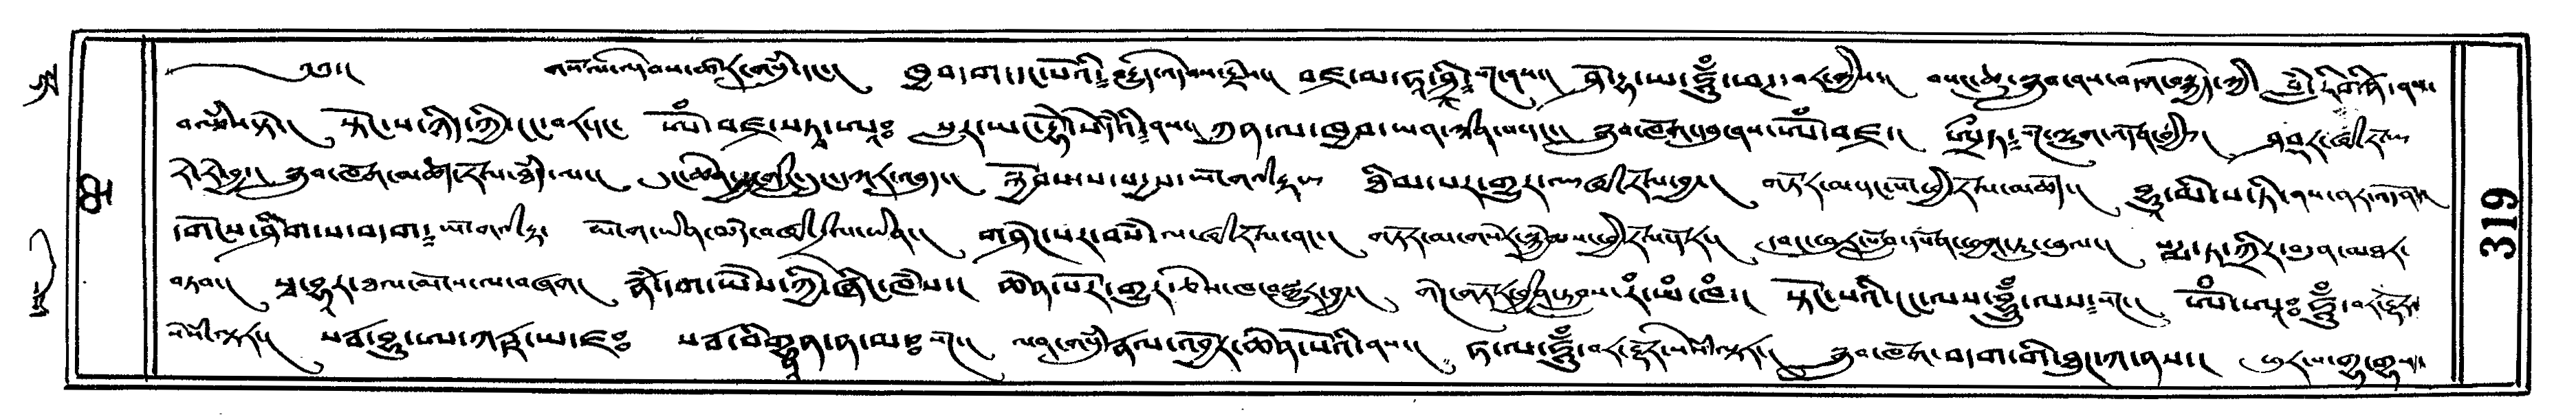གསོལ་འདེབས་ཚར་གསུམ་དང་། ཁྱབ་བདག་དག་པོའི༴ བརྒྱུད་འདེབས་རྗེས། །བཛྲ་མ་ཧཱ་ཤྲཱི༴ སོགས་ནས། །ཤོ་དྷ་ཡ་ཧཱུྃ་ཕཊ་བར་གྱིས། །བསང་ཆུ་བསྒྲུབས་ནས་བདག་བསྐྱེད་ཀྱི། །བླ་མ་རིག་འཛིན་ནས་
བརྩམས་ཏཻ། །སྟོང་པ་ཉིད་ཀྱི་ངང་བར་དང་། ཨོཾ་བཛྲ་སཏྭ་ཨཱཿ སླར་ཡང་རྡོ་རྗེ་སེམས་དཔའི༴ ནས། །ཀུན་ལ་ཁྱབ༴ ཡན་ཟིན་པ་དང་། །སྒྲུབ་ཁོག་དབུ་ནས་ཨོཾ་བཛྲ། །ཨ་མྲི་ཏ༴ སོགས་ལྷུག་འདོན་གྱིས། །ཤབྡར་ཞི་རོལ་
རེ་རེ་བྱ། །སྒྲུབ་ཁོག་མཆོད་རོལ་ཐམས་ཅད་ལ། །དུང་ཆེན་རྒྱ་གླིང་དུང་དཀར་འབུད།།སྐྱོབ་པ་སངས་རྒྱས༴ ཡོ་གའི་རྟས། །ཐིམ་པར་གྱུར༴ ལ་ཞི་རོལ་བྱ། །གཏོར་མ་དང་པོ་ཕྱི་རོལ་མཆོད། བྷཱུ་མི་པ་ཏི་ནས་ནར་འདོན། །
དགོངས་ཤིག་ས་བདག༴ ཡོ་གའི་རྟ། །ཡོ་ག་ཡིན་མོད་བཞི་དྲིལ་ཡིན། གཤེགས་པར་བསམ་ལ་ཞི་རོལ་ནང་། །གཏོར་མ་གསེར་སྐྱེམས་ཕྱི་རོལ་དོར། །དབང་ཕུར་སློབ་དཔོན་ཕྱག་ཏུ་ཕུལ། །པདྨ་ཏ་ཀྲིཏ༴ བདུན་མཐར་
བཏབ། སྭ་བྷཱ ར་ཐལ་མོང་ལ་བཞག །རྣམ་དག་ཡེ་ཤེས་ཀྱི་ཞིང་ཁམས། །ཆེན་པོར་གྱུར༴ ཅེས་ཁ་བསྒྱུར་བྱ། །གེགས་གཏོར་བྱིན་རླབས་རྃ་ཡྃ་ཁྃ། །སྟོང་པའི་ངང་ལས་བྷྲཱུྃ་ལས༴ སོགས། །ཨོཾ་ཨཱཿཧཱུྃ་བར་རྡོར་
སེམས་ལྟར། སརྦ་བྷུ་ཏ་ཨ་ཀརྴ་ཡ་ཛཿ སརྦ་བིགྷྣཱན་ན་མཿ སོགས། །ལན་གསུམ་རྣལ་འབྱོར་ཆེན་པོའི༴ ནས། །ཧ་ལ་ཧཱུྃ་བར་རྡོར་སེམས་ལྟར། ། སྒྲུབ་ཁོག་བདག་གི་ཐུགས་ཀ་ནས། ། ཕུར་པ་གྷ་གྷས་